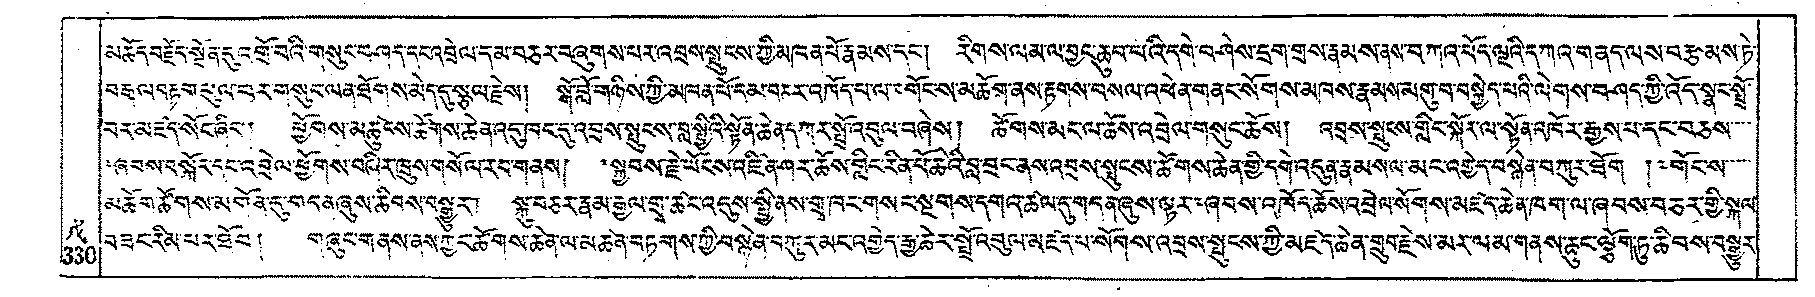མཆོད་བརྗོད་སྔོན་དུ་འགྲོ་བའི་གསུང་བཤད་དང་འབྲེལ་དམ་བཅར་བཞུགས་པར་འབྲས་སྤུངས་ཀྱི་མཁན་པོ་རྣམས་དང་། རིགས་ལམ་ལ་བྱང་ཆུབ་པའི་དགེ་བཤེས་དྲག་གྲས་རྣམས་ནས་བཀའ་པོད་ལྔའི་དཀའ་གནད་ལས་བརྩམས་ཏེ་
བརྒལ་བརྟག་ཕུལ་བར་གསུང་ལན་ཐོགས་མེད་དུ་སྩལ་རྗེས། སྒོ་བློ་གཉིས་ཀྱི་མཁན་པོ་དམ་བཅར་འཁོད་པ་ལ་ཡྒོང་ས་མཆོག་ནས་རྟགས་བསལ་འཕེན་གནང་སོགས་མཁས་རྣམས་མགུ་བ་བསྐྱེད་པའི་ལེགས་བཤད་ཀྱི་འོད་སྣང་སྤྲོ་
བར་མཛད་སོང་ཞིང་། ཕྱོགས་མཚུངས་ཚོགས་ཆེན་འདུ་ཁང་དུ་འབྲས་སྤུངས་བླ་སྤྱིའི་སྟོན་ཆེན་དཀར་སྤྲོ་འབུལ་བཞེས། ཚོགས་མང་ལ་ཆོས་འབྲེལ་གསུང་ཆོས། འབྲས་སྤུངས་གླིང་སྐོར་ལ་སྟོན་འཁོར་རྒྱས་པ་དང་བཅས་
༧ཞབས་བསྐོར་དང་འབྲེལ་ཕྱོགས་བཞིར་ཁྲུས་གསོལ་རབ་གནས། ༧སྐྱབས་རྗེ་ཡོངས་འཛིན་ཤར་ཆོས་གླིང་རིན་པོ་ཆེའི་བླ་བྲང་ནས་འབྲས་སྤུངས་ཚོགས་ཆེན་གྱི་དགེ་འདུན་རྣམས་ལ་མང་འགྱེད་བསྙེན་བཀུར་ཐོག །༧གོང་ས་
མཆོག་ཚོགས་མགོན་དུ་གདན་ཞུས་ཆིབས་བསྒྱུར། སྐུ་བཅར་རྣམ་རྒྱལ་གྲྭ་ཚང་འདུས་སྤྱི་ནས་གྲུ་ཁང་གསང་སྔགས་དགའ་ཚལ་དུ་གདན་ཞུས་ལྟར ༧ཞབས་འཁོད་ཆོས་འབྲེལ་སོགས་མཛད་ཆེན་ཁག་ལ་ཞབས་བཅར་གྱི་སྐལ་
བཟང་རིམ་པར་ཐོབ། གཞུང་གནས་ནས་ཀྱང་ཚོགས་ཆེན་ལ་མཚན་བཏགས་ཀྱི་བསྙེན་བཀུར་མང་འགྱེད་རྒྱ་ཆེར་སྤྲོ་འབུལ་མཛད་པ་སོགས་འབྲས་སྤུངས་ཀྱི་མཛད་ཆེན་གྲུབ་རྗེས་མར་ལམ་གནས་ཆུང་ལྕོག་ཏུ་ཆིབས་བསྒྱུར་